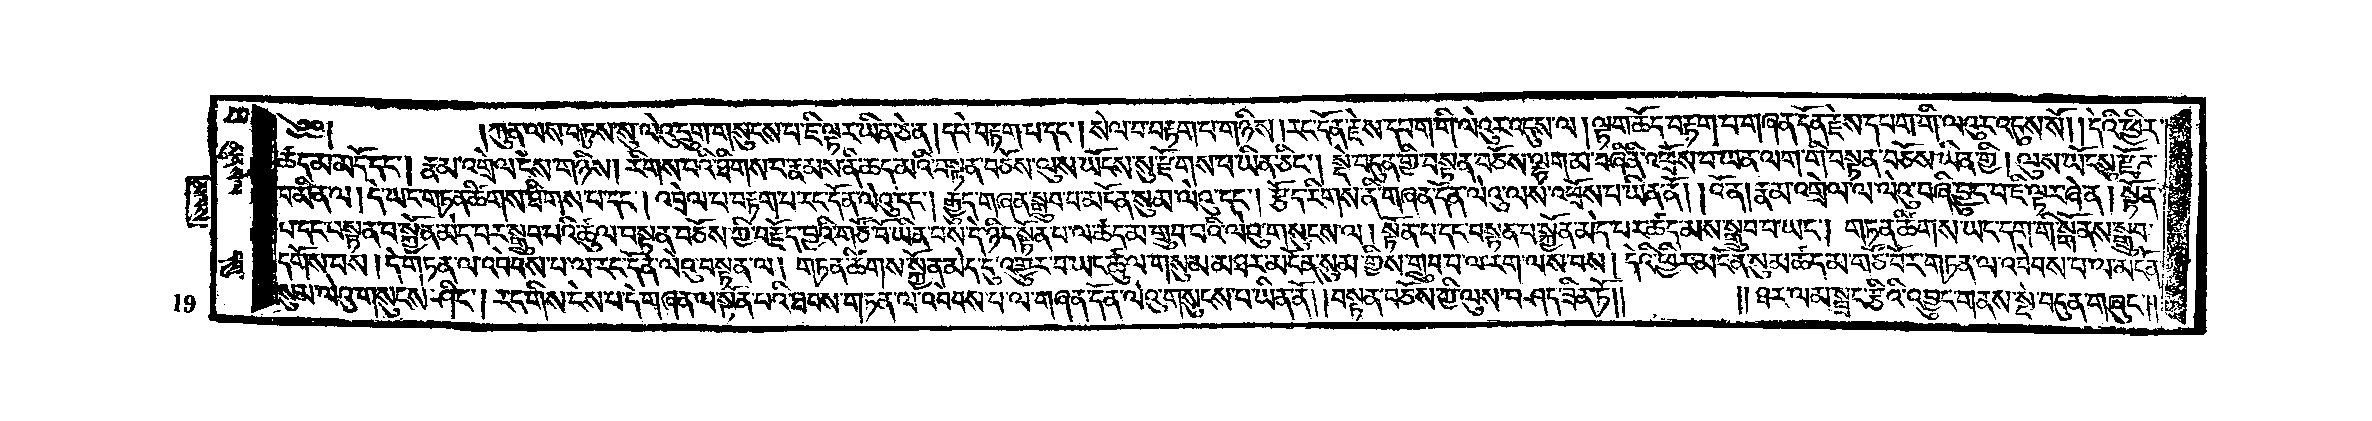༄༅། །ཀུན་ལས་བཏུས་སུ་ལེའུ་དྲུག་གསུངས་པ་ཇི་ལྟར་ཡིན་ཅེ་ན། དཔེ་བརྟག་པ་དང་།སེལ་བ་བརྟག་པ་གཉིས། རང་དོན་རྗེས་དཔག་གི་ལེའུར་འདུས་ལ། ལྟག་ཆོད་བརྟག་པ་གཞན་དོན་རྗེས་དཔག་གི་ལེའུར་འདུས་སོ། །དེའི་ཕྱིར་
ཚད་མེ་མདོ་དང་།རྣམ་འགྲེལ་ངེས་གཉིས། རིགས་པའི་ཐིགས་པ་རྣམས་ནི་ཆད་མའི་བསྟན་བཅོས་ལུས་ཡོངས་སུ་རྫོགས་པ་ཡིན་ཅིང་།སྡེ་བདུན་གྱི་བསྟན་བཅོས་ལྷག་མ་བཞི་ནི་འཕྲོས་པ་ཡན་ལག་གི་བསྟན་བཅོས་ཡིན་གྱི། ལུས་ཡོངས་སུ་རྫོཌ་
པ་མིན་ལ། དེ་ཡང་གཏན་ཚིགས་ཐིགས་པ་དང་། འབྲེལ་པ་བརྟག་པ་རང་དོན་ལེའུ་དང་། རྒྱུད་གཞན་སྒྲུབ་པ་མངོན་སུམ་ལེའུ་དང་། རྩོད་རིགས་ནི་གཞན་དོན་ལེའུ་ལས་འཕྲོས་པ་ཡིན་ནོ། །འོ་ན། རྣམ་འགྲེལ་ལ་ལེའུ་བཞི་བྱུང་བ་ཇི་ལྟར་ཞེ་ན། སྟོན་
པ་དང་བསྟན་པ་སྐྱོན་མེད་པར་སྒྲུབ་པའི་ཚུལ་བསྟན་བཅོས་ཀྱི་བརྗོད་བྱའི་གཙོ་བོ་ཡིན་པས་དེ་ཉིད་སྟོན་པ་ལ་ཚད་མ་གྲུབ་པའི་ལེའུ་གསུངས་ལ། སྟོན་པ་དང་བསྟན་པ་སྐྱོན་མེད་པར་ཚད་མས་སྒྲུབ་པ་ཡང་། གཏན་ཚིགས་ཡང་དག་གི་སྒོ་ནས་སྒྲུབ་
དགོས་པས། དེ་གཏན་ལ་འབེབས་པ་ལ་རང་དོན་ལེའུ་བསྟན་ལ། གཏན་ཚིགས་སྐྱོན་མེད་དུ་འགྱུར་བ་ཡང་ཚུལ་གསུམ་མཐར་མངོན་སུམ་གྱིས་གྲུབ་པ་ལ་རག་ལས་པས། དེའི་ཕྱིར་མངོན་སུམ་ཚད་མ་གཙོ་བོར་གཏན་ལ་འབེབས་པ་ལ་མངོན་
སུམ་ལེའུ་གསུངས་ཤིང་།རང་གིས་ངེས་པ་དེ་གཞན་ལ་སྟོན་པའི་ཐབས་གཏན་ལ་འབེབས་པ་ལ་གཞན་དོན་ལེའུ་གསུངས་པ་ཡིན་ནོ། །བསྟན་བཅོས་ཀྱི་ལུས་བཤད་ཟིན་ཏོ།། །།ཐར་ལམ་སྦྲང་རྩིའི་འབྱུང་གནས་སྡེ་བདུན་གཞུང།།